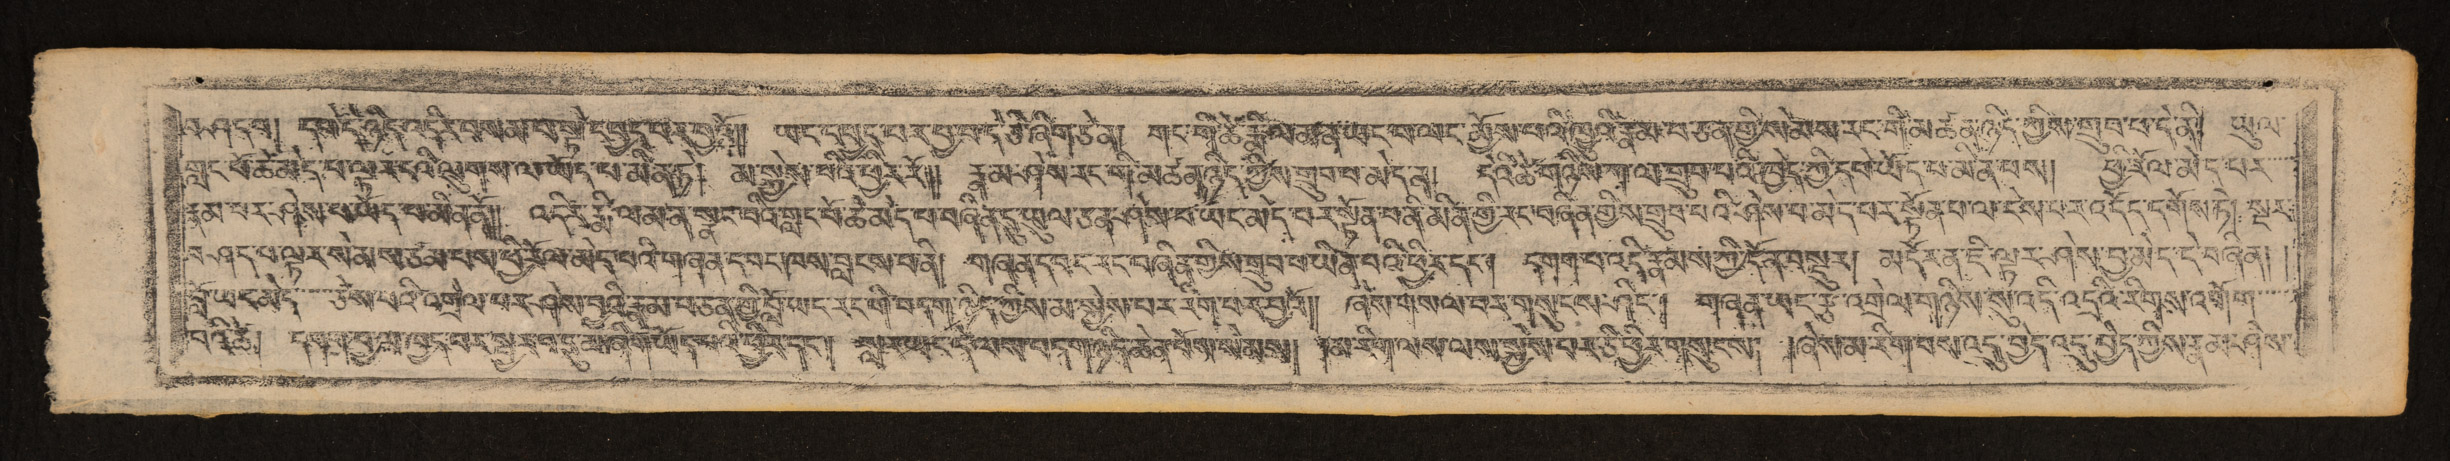བཤད་པ། དཔེ་དེ་ཉིད་འདིར་བསམ་པ་སྟེ་དཔྱད་པར་བྱའོ།། ཡང་དཔྱད་པར་བྱ་བ་དེ་ཅི་ཞིག་ཅེ་ན། གང་གི་ཚེ་རྨི་ལམ་ན་ཡང་བ་ལང་མྱོས་པའི་ཁྱུའི་རྣམ་པ་ཅན་གྱི་སེམས་རང་གི་མཚན་ཉིད་ཀྱིས་གྲུབ་པ་དེ་ནི། ཡུལ་
གླང་པོ་ཆེ་མེད་པ་ལྟར་ངའི་ལུགས་ལ་ཡོད་པ་མིན་ཏེ། མ་སྐྱེས་པའི་ཕྱིར་རོ།། རྣམ་ཤེས་རང་གི་མཚན་ཉིད་ཀྱིས་གྲུབ་པ་མེད་ན། དེའི་ཚེ་གཉིས་ཀ་ལ་གྲུབ་པའི་ཁྱེད་ཀྱི་དཔེ་ཡོད་པ་མིན་པས། ཕྱི་རོལ་མེད་པར་
རྣམ་པར་ཤེས་པ་ཡོད་པ་མིན་ནོ།། འདིར་རྨི་ལམ་ན་སྣང་བའི་གླང་པོ་ཆེ་མེད་པ་བཞིན་དུ་ཡུལ་ཅན་ཤེས་པ་ཡང་མེད་པར་སྟོན་པ་ནི་མིན་གྱི་རང་བཞིན་གྱིས་གྲུབ་པའི་ཤེས་པ་མེད་པར་སྟོན་པ་ལ་ངེས་པར་འདོད་དགོས་ཏེ། སྔར་
བཤད་པ་ལྟར་སེམས་ཙམ་པས་ཕྱི་རོལ་མེད་པའི་གཞན་དབང་ཁས་བླངས་པ་ནི། གཞན་དབང་རང་བཞིན་གྱིས་གྲུབ་པ་ཡིན་པའི་ཕྱིར་དང་། དགག་པ་འདི་རྣམས་ཀྱིས་དོན་བསྡུར། མདོར་ན་ཇི་ལྟར་ཤེས་བྱ་མེད་དེ་བཞིན།།
བློ་ཡང་མེད་ཅེས་པའི་འགྲེལ་པར་ཤེས་བྱའི་རྣམ་པ་ཅན་གྱི་བློ་ཡང་རང་གི་བདག་ཉིད་ཀྱིས་མ་སྐྱེས་པར་རིག་པར་བྱའོ།། ཞེས་གསལ་བར་གསུངས་ཤིང་། གཞན་ཡང་རྩ་འགྲེལ་གཉིས་སུ་འདི་འདྲའི་རིགས་འགོག་
པའི་ཚེ། དགག་བྱ་ལ་ཁྱད་པར་སྦྱར་བ་དུ་མ་ཞིག་ཡོད་པའི་ཕྱིར་དང་། སླར་ཡང་དེ་ལས་བདག་ཉིད་ཆེན་པོས་སེམས། །མ་རིག་ལས་ལས་སྐྱེས་པར་ཅི་ཕྱིར་གསུངས། །ཞེས་མ་རིག་པས་འདུ་བྱེད་འདུ་བྱེད་ཀྱིས་རྣམ་ཤེས་